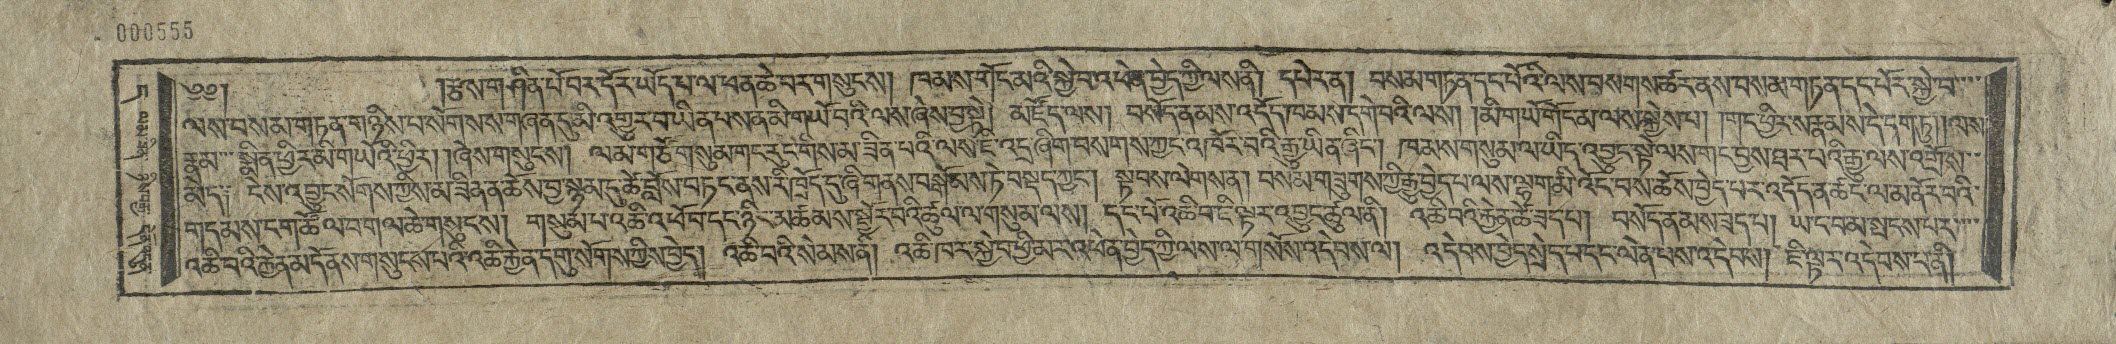༄༅། །རྩས་གཤིན་པོ་བར་དོར་ཡོད་པ་ལ་ཕན་ཆེ་བར་གསུངས། ཁམས་གོང་མའི་སྐྱེ་བ་འཕེན་བྱེད་ཀྱི་ལས་ནི། དཔེར་ན། བསམ་གཏན་དང་པོའི་ལས་བསགས་ཚར་ནས་བསམ་གཏན་དང་པོར་སྐྱེ་བ་
ལས་བསམ་གཏན་གཉིས་པ་སོགས་ས་གཞན་དུ་མི་འགྱུར་བ་ཡིན་པས་ན་མི་གཡོ་བའི་ལས་ཞེས་བྱ་སྟེ། མཛོད་ལས། བསོད་ནམས་འདོད་ཁམས་དགེ་བའི་ལས། །མི་གཡོ་གོང་མ་ལས་སྐྱེས་པ། །གང་ཕྱིར་ས་རྣམས་དེ་དག་ཏུ། །ལས་
རྣམ་སྨིན་ཕྱིར་མི་གཡོའི་ཕྱིར། །ཞེས་གསུངས། ལམ་གཙོ་གསུམ་གང་རུང་གིས་མ་ཟིན་པའི་ལས་ཇི་འདྲ་ཞིག་བསགས་ཀྱང་འཁོར་བའི་རྒྱུ་ཡིན་ཞིང་། ཁམས་གསུམ་ལ་ཡིད་འབྱུང་སྟེ་ལས་གང་བྱས་ཐར་པའི་རྒྱུ་ལས་འགྲོས་
མེད༑ ངེས་འབྱུང་སོགས་ཀྱིས་མ་ཟིན་ན་ཆོས་བྱ་སྙམ་དུ་ཚེ་བློས་བཏང་ནས་རི་ཁྲོད་དུ་ཞི་གནས་བསྒོམས་ཏེ་བསྡད་ཀྱང་། སྟབས་ལེགས་ན། བསམ་གཟུགས་ཀྱི་རྒྱུ་བྱེད་པ་ལས་ལྷག་མི་འོང་བས་ཆོས་བྱེད་པར་འདོད་ན་ཚང་ལ་མ་ནོར་བའི་
གདམས་ངག་ཚོལ་བ་གལ་ཆེ་གསུངས། གསུམ་པ་འཆི་འཕོ་བ་དང་ཉིང་མཚམས་སྦྱོར་བའི་ཚུལ་ལ་གསུམ་ལས། དང་པོ་འཆི་བ་ཇི་ལྟར་འབྱུང་ཚུལ་ནི། འཆི་བའི་རྐྱེན་ཚེ་ཟད་པ། བསོད་ནམས་ཟད་པ། ཡ་ང་བ་མ་སྤངས་པར་
འཆི་བའི་རྐྱེན་མདོ་ནས་གསུངས་པའི་འཆི་རྐྱེན་དགུ་སོགས་ཀྱིས་བྱེད། འཆི་བའི་སེམས་ནི། འཆི་ཁར་སྐྱེ་བ་ཕྱི་མར་འཕེན་བྱེད་ཀྱི་ལས་ལ་གསོས་འདེབས་ལ། འདེབས་བྱེད་སྲེད་པ་དང་ལེན་པས་འདེབས། ཇི་ལྟར་འདེབས་པ་ནི།